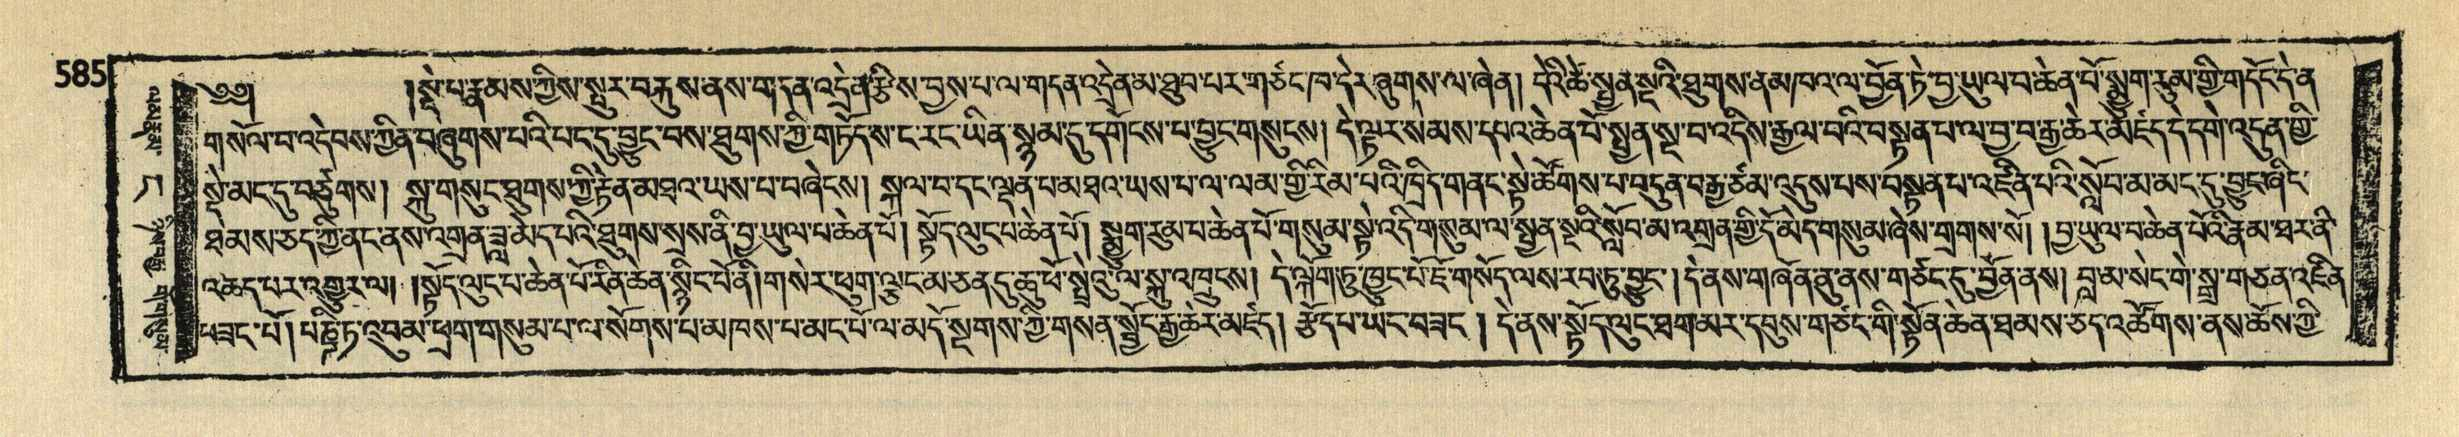༄༅། །སྡེ་པ་རྣམས་ཀྱིས་སྤུར་བརྐུས་ནས་གདན་འདྲེན་རྩིས་བྱས་པ་ལ་གདན་འདྲེན་མ་ཐུབ་པར་གཙང་ཁ་དེར་ཞུགས་ལ་ཞེན། དེའི་ཚེ་སྤྱན་སྔའི་ཐུགས་ན་མཁའ་ལ་བྱོན་ཏེ་བྱ་ཡུལ་བ་ཆེན་པོ་སྨྱུག་རུམ་གྱི་གདོང་དེ་ན་
གསོལ་བ་འདེབས་ཀྱིན་བཞུགས་པའི་པང་དུ་བྱུང་བས་ཐུགས་ཀྱི་གཏོད་ས་ང་རང་ཡིན་སྙམ་དུ་དགོངས་པ་བྱུང་གསུངས། དེ་ལྟར་སེམས་དཔའ་ཆེན་པོ་སྤྱན་སྔ་བ་འདིས་རྒྱལ་བའི་བསྟན་པ་ལ་བྱ་བ་རྒྱ་ཆེར་མཛད་དེ་དགེ་འདུན་གྱི་
སྡེ་མང་དུ་བཙུགས། སྐུ་གསུང་ཐུགས་ཀྱི་རྟེན་མཐའ་ཡས་པ་བཞེངས། སྐལ་བ་དང་ལྡན་པ་མཐའ་ཡས་པ་ལ་ལམ་གྱི་རིམ་པའི་ཁྲིད་གནང་སྟེ་ཚོགས་པ་བདུན་བརྒྱ་ཙམ་འདུས་པས་བསྟན་པ་འཛིན་པའི་སློབ་མ་མང་དུ་བྱུང་ཞིང་
ཐམས་ཅད་ཀྱི་ནང་ནས་འགྲན་ཟླ་མེད་པའི་ཐུགས་སྲས་ནི་བྱ་ཡུལ་པ་ཆེན་པོ། སྟོད་ལུང་པ་ཆེན་པོ། སྨྱུག་རུམ་པ་ཆེན་པོ་གསུམ་སྟེ་འདི་གསུམ་ལ་སྤྱན་སྔའི་སློབ་མ་འགྲན་གྱི་དོ་མེད་གསུམ་ཞེས་གྲགས་སོ། །བྱ་ཡུལ་བ་ཆེན་པོའི་རྣམ་ཐར་ནི་
འཆད་པར་འགྱུར་ལ། །སྟོད་ལུང་པ་ཆེན་པོ་རིན་ཆེན་སྙིང་པོ་ནི། གསེར་ཕུག་ལྕང་མ་ཅན་དུ་ཆུ་ཕོ་སྤྲེའུ་ལ་སྐུ་འཁྲུངས། དེ་ལྐོག་ཏུ་ཁྱུང་པོ་ཇོ་གསོད་ལས་རབ་ཏུ་བྱུང་། དེ་ནས་གཞོན་ནུ་ནས་གཙང་དུ་བྱོན་ནས། བླ་མ་སེང་གེ་སྒྲ་གཅན་འཛིན་
བཟང་པོ། པཎྜི་ཏ་འབུམ་ཕྲག་གསུམ་པ་ལ་སོགས་པ་མཁས་པ་མང་པོ་ལ་མདོ་སྔགས་ཀྱི་གསན་སྦྱོང་རྒྱ་ཆེར་མཛད། རྩོད་པ་ཡང་བཟང་། དེ་ནས་སྟོད་ལུང་ཐག་མར་དབུས་གཙང་གི་སྟོན་ཆེན་ཐམས་ཅད་འཚོགས་ནས་ཆོས་ཀྱི་